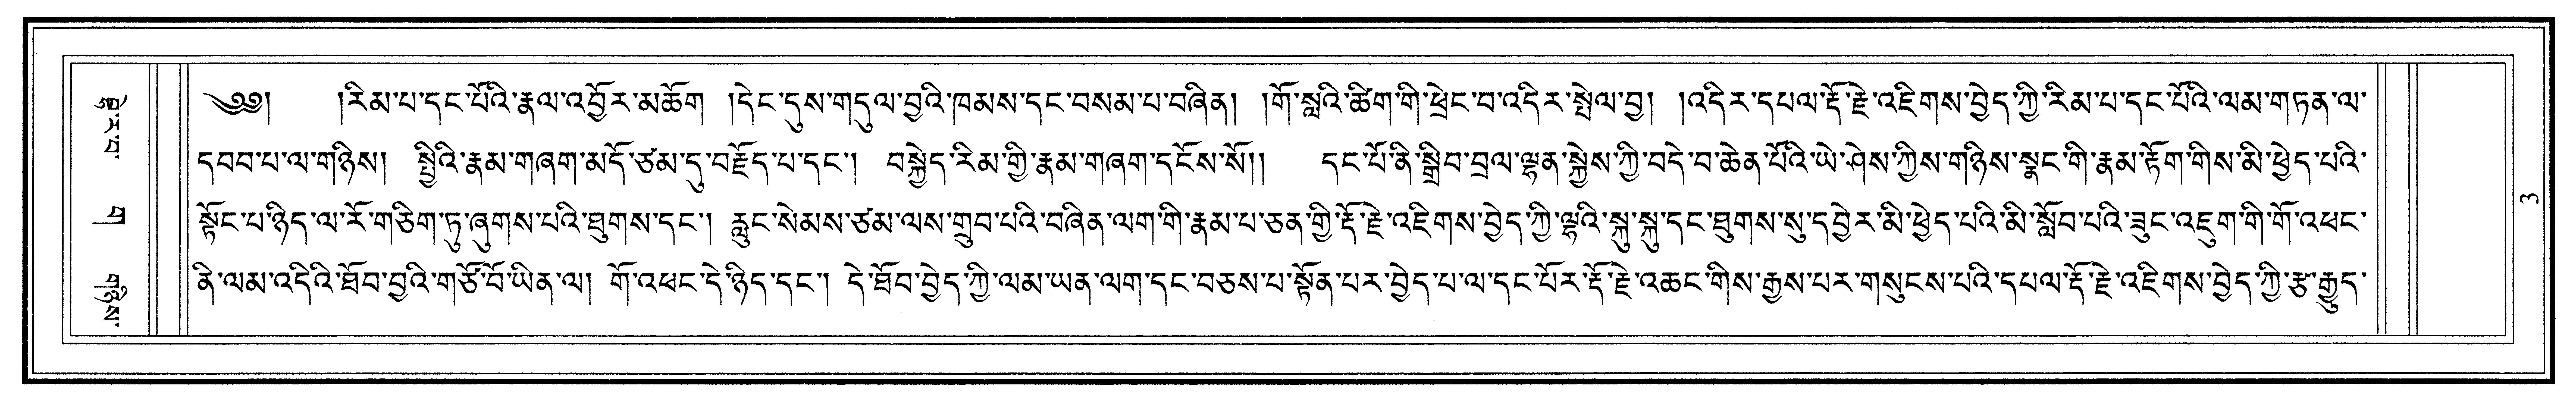༄༅། །རིམ་པ་དང་པོའི་རྣལ་འབྱོར་མཆོག །དེང་དུས་གདུལ་བྱའི་ཁམས་དང་བསམ་པ་བཞིན། །གོ་སླའི་ཚིག་གི་ཕྲེང་བ་འདིར་སྤེལ་བྱ། །འདིར་དཔལ་རྡོ་རྗེ་འཇིགས་བྱེད་ཀྱི་རིམ་པ་དང་པོའི་ལམ་གཏན་ལ་
དབབ་པ་ལ་གཉིས། སྤྱིའི་རྣམ་གཞག་མདོ་ཙམ་དུ་བརྗོད་པ་དང་། བསྐྱེད་རིམ་གྱི་རྣམ་གཞག་དངོས་སོ།། དང་པོ་ནི་སྒྲིབ་བྲལ་ལྷན་སྐྱེས་ཀྱི་བདེ་བ་ཆེན་པོའི་ཡེ་ཤེས་ཀྱིས་གཉིས་སྣང་གི་རྣམ་རྟོག་གིས་མི་ཕྱེད་པའི་
སྟོང་པ་ཉིད་ལ་རོ་གཅིག་ཏུ་ཞུགས་པའི་ཐུགས་དང་། རླུང་སེམས་ཙམ་ལས་གྲུབ་པའི་བཞིན་ལག་གི་རྣམ་པ་ཅན་གྱི་རྡོ་རྗེ་འཇིགས་བྱེད་ཀྱི་ལྷའི་སྐུ་སྐུ་དང་ཐུགས་སུ་དབྱེར་མི་ཕྱེད་པའི་མི་སློབ་པའི་ཟུང་འཇུག་གི་གོ་འཕང་
ནི་ལམ་འདིའི་ཐོབ་བྱའི་གཙོ་བོ་ཡིན་ལ། གོ་འཕང་དེ་ཉིད་དང་། དེ་ཐོབ་བྱེད་ཀྱི་ལམ་ཡན་ལག་དང་བཅས་པ་སྟོན་པར་བྱེད་པ་ལ་དང་པོར་རྡོ་རྗེ་འཆང་གིས་རྒྱས་པར་གསུངས་པའི་དཔལ་རྡོ་རྗེ་འཇིགས་བྱེད་ཀྱི་རྩ་རྒྱུད་